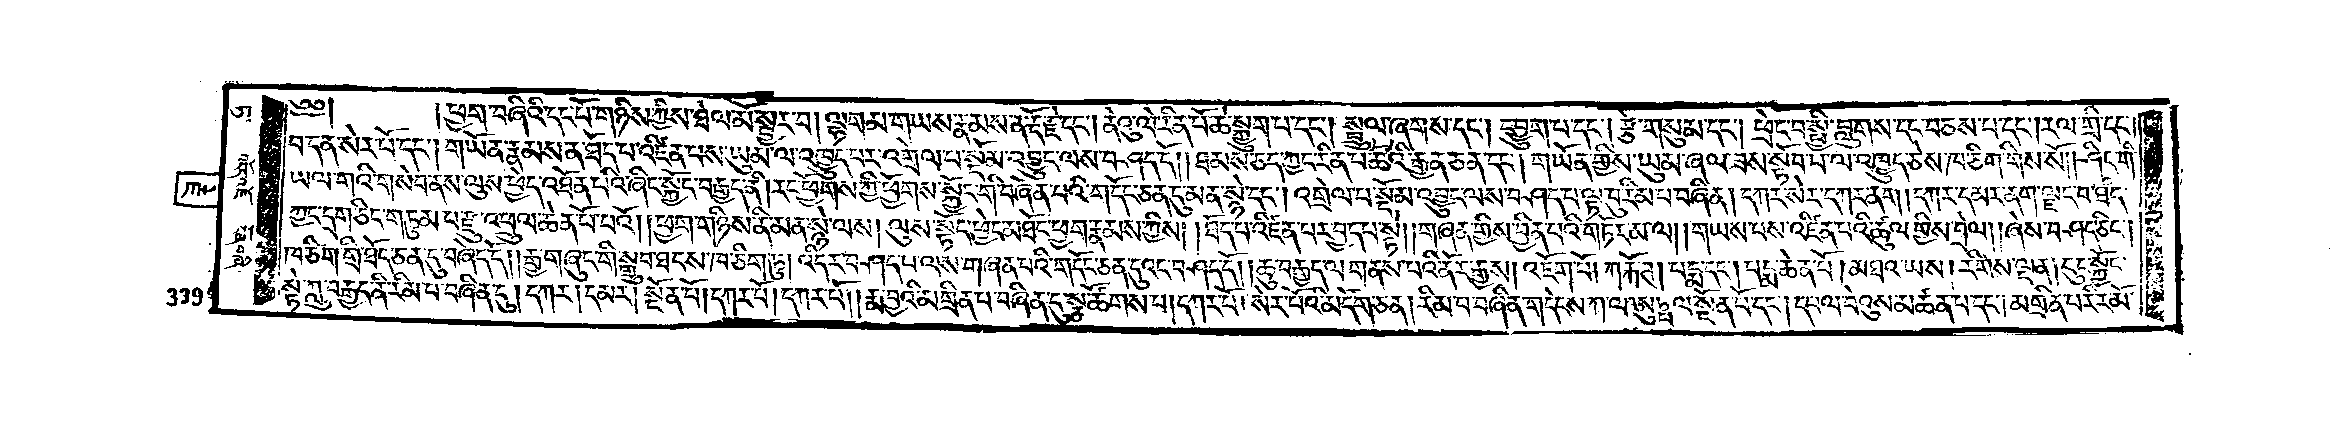༄༅། །ཕྱག་བཞིའི་དང་པོ་གཉིས་ཀྱིས་ཐལ་མོ་སྦྱར་བ། ལྷག་མ་གྱས་རྣམས་ན་རྡོ་རྗེ་དང་། ནེའུ་ལེ་རིན་པོ་ཆེ་སྐྱུག་པ་དང་། སྦྲུལ་ཞགས་དང་། དབྱུག་པ་དང་། རྩེ་གསུམ་དང་། ཕྲེང་བ་སྤྱི་བླུགས་དང་བཅས་པ་དང་། རལ་གྲི་དང་།
བ་དན་སེར་པོ་དང་། གྱོན་རྣམས་ན་ཐོད་པ་འཛིན་པས་ཡུམ་ལ་འཁྱུད་པར་འགྲེལ་པ་སྡོམ་འབྱུང་ལས་བཤད་དོ། །ཐམས་ཅད་ཀྱང་རིན་པོ་ཆེའི་རྒྱན་ཅན་དང་། གྱོན་གྱིས་ཡུམ་ཞལ་ཟས་སྟོབ་པ་ལ་འཁྱུད་ཅེས་ཁ་ཅིག་གིས་སོ། །ཤིང་གི་
ཡལ་གའི་གསེབ་ནས་ལུས་ཕྱེད་འཐོན་པའི་ཞིང་སྐྱོད་བརྒྱད་ནི། རང་ཕྱོགས་ཀྱི་ཕྱོགས་སྐྱོང་གི་བཞོན་པའི་གདོང་ཅན་དུ་མན་སྙེ་དང་། འགྲེལ་པ་སྡོམ་འབྱུང་ལས་བཤད་པ་ལྟ་བུ་རིམ་པ་བཞིན། དཀར་སེར་དཀར་ནག །དཀར་དམར་ནག་ལྗང་བ་ཐམས་ཅད་
ཀྱང་དྲག་ཅིང་གཏུམ་པ་རྫུ་འཕྲུལ་ཆེན་པོ་པའོ། །ཕྱག་གཉིས་ནི་མན་སྙེ་ལས། ལུས་སྟོད་ཕྱེད་མཐོང་ཕྱག་རྣམས་ཀྱིས། །ཐོད་པ་འཛིན་པར་བྱད་པ་སྟེ། །གཞན་གྱིས་བྱིན་པའི་གཏོར་མ་ལ། །གྱས་པས་འཛིན་པའི་ཚུལ་གྱིས་བྲེལ། །ཞེས་བཤད་ཅིང་།
ཁ་ཅིག་གྲི་ཐོད་ཅན་དུ་བཞེད་དོ། །རྒྱ་གཞུང་གི་སྒྲུབ་ཐབས་ཁ་ཅིག་ཏུ། འདིར་བཤད་པ་ལས་གཞན་པའི་གདོང་ཅན་དུའང་བཤད་དོ། །ཆུ་བརྒྱད་ལ་གནས་པའི་ནོར་རྒྱས། འཇོག་པོ། ཀརྐོ་ཊ། པདམ་དང་། པདམ་ཆེན་པོ། མཐའ་ཡས། རིགས་ལྡན། དུད་སྐྱེད་
སྟེ་ཀླུ་བརྒྱད་ནི་རིམ་པ་བཞིན་དུ། དཀར། དམར། སྔོན་པོ། དཀར་པོ། དཀར་པོ། །རྨ་བྱའི་མགྲིན་པ་བཞིན་དུ་སྣ་ཚོགས་པ། དཀར་པོ། སེར་པོའི་མདོག་ཅན། རིམ་པ་བཞིན་གདེངས་ཀ་ལ་ཨུཏྤལ་སྔོན་པོ་དང་། དཔལ་བེའུས་མཚན་པ་དང་། མགྲིན་པར་རི་མོ་